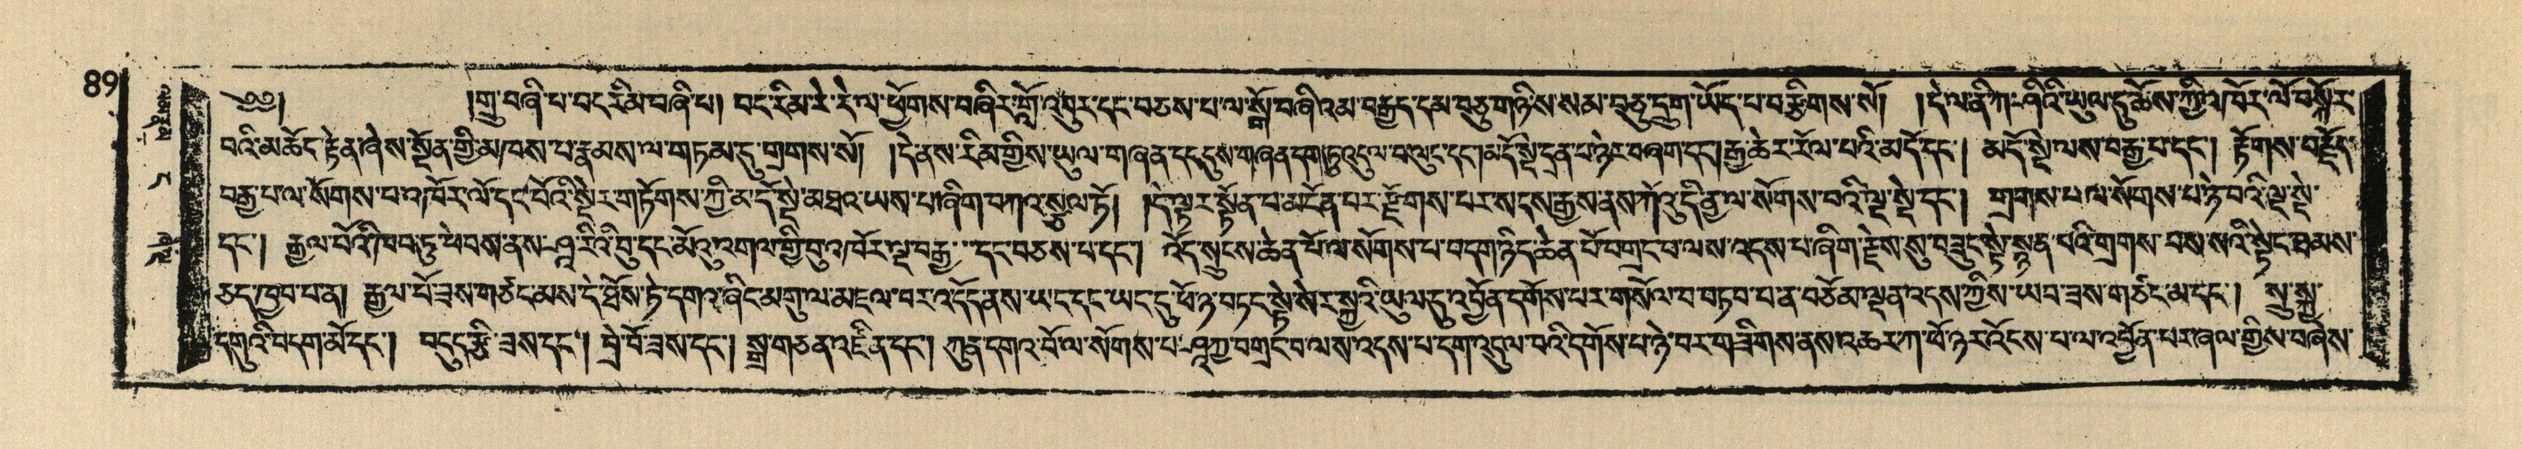༄༅། །གྲུ་བཞི་པ་བང་རིམ་བཞི་པ། བང་རིམ་རེ་རེ་ལ་ཕྱོགས་བཞིར་གློ་འབུར་དང་བཅས་པ་ལ་སྒོ་བཞིའམ་བརྒྱད་དམ་བཅུ་གཉིས་སམ་བཅུ་དྲུག་ཡོད་པ་བརྩིགས་སོ། །དེ་ལ་ནི་ཀ་ཤིའི་ཡུལ་དུ་ཆོས་ཀྱི་འཁོར་ལོ་བསྐོར་
བའི་མཆོད་རྟེན་ཞེས་སྔོན་གྱི་མཁས་པ་རྣམས་ལ་གཏམ་དུ་གྲགས་སོ། །དེ་ནས་རིམ་གྱིས་ཡུལ་གཞན་དང་དུས་གཞན་དག་ཏུ་འདུལ་བ་ལུང་དང་། མདོ་སྡེ་དྲན་པ་ཉེར་བཞག་དང་། རྒྱ་ཆེར་རོལ་པའི་མདོ་དང་། མདོ་སྡེ་ལས་བརྒྱ་པ་དང་། རྟོགས་བརྗོད་
བརྒྱ་པ་ལ་སོགས་པ་འཁོར་ལོ་དང་བོའི་སྡེར་གཏོགས་ཀྱི་མདོ་སྡེ་མཐའ་ཡས་པ་ཞིག་བཀའ་སྩལ་ཏོ། །དེ་ལྟར་སྟོན་པ་མངོན་པར་རྫོགས་པར་སངས་རྒྱས་ནས་ཀོའུ་དི་ནྱ་ལ་སོགས་བའི་ལྔ་སྡེ་དང་། གྲགས་པ་ལ་སོགས་པ་ཉེ་བའི་ལྔ་སྡེ་
དང་། རྒྱལ་པོའི་ཁབ་ཏུ་ཕེབས་ནས་ཤཱ་རིའི་བུ་དང་མོའུ་འགལ་གྱི་བུ་འཁོར་ལྔ་བརྒྱ་དང་བཅས་པ་དང་། འོད་སྲུངས་ཆེན་པོ་ལ་སོགས་པ་བདག་ཉིད་ཆེན་པོ་བགྲང་བ་ལས་འདས་པ་ཞིག་རྗེས་སུ་བཟུང་སྟེ་སྙན་པའི་གྲགས་བས་སའི་སྟེང་ཐམས་
ཅད་ཁྱབ་པ་ན། རྒྱལ་པོ་ཟས་གཙང་མས་དེ་ཐོས་ཏེ་དགའ་ཞིང་མགུ་ལ་མཇལ་བར་འདོད་ནས་ཡང་དང་ཡང་དུ་ཕོ་ཉ་བཏང་སྟེ་སེར་སྐྱའི་ཡུལ་དུ་འབྱོན་དགོས་པར་གསོལ་བ་བཏབ་པ་ན་བཅོམ་ལྡན་འདས་ཀྱིས་ཡབ་ཟས་གཙང་མ་དང་། སྲུ་སྐྱ་
དགུའི་བདག་མོ་དང་། བདུད་རྩི་ཟས་དང་། བྲེ་བོ་ཟས་དང་། སྒྲ་གཅན་འཛིན་དང་། ཀུན་དགའ་བོ་ལ་སོགས་པ་ཤཱཀྱ་བགྲང་བ་ལས་འདས་པ་དག་འདུལ་བའི་དགོས་པ་ཉེ་བར་གཟིགས་ནས་འཆར་ཀ་ཕོ་ཉར་འོངས་པ་ལ་འབྱོན་པར་ཞལ་གྱིས་བཞེས་